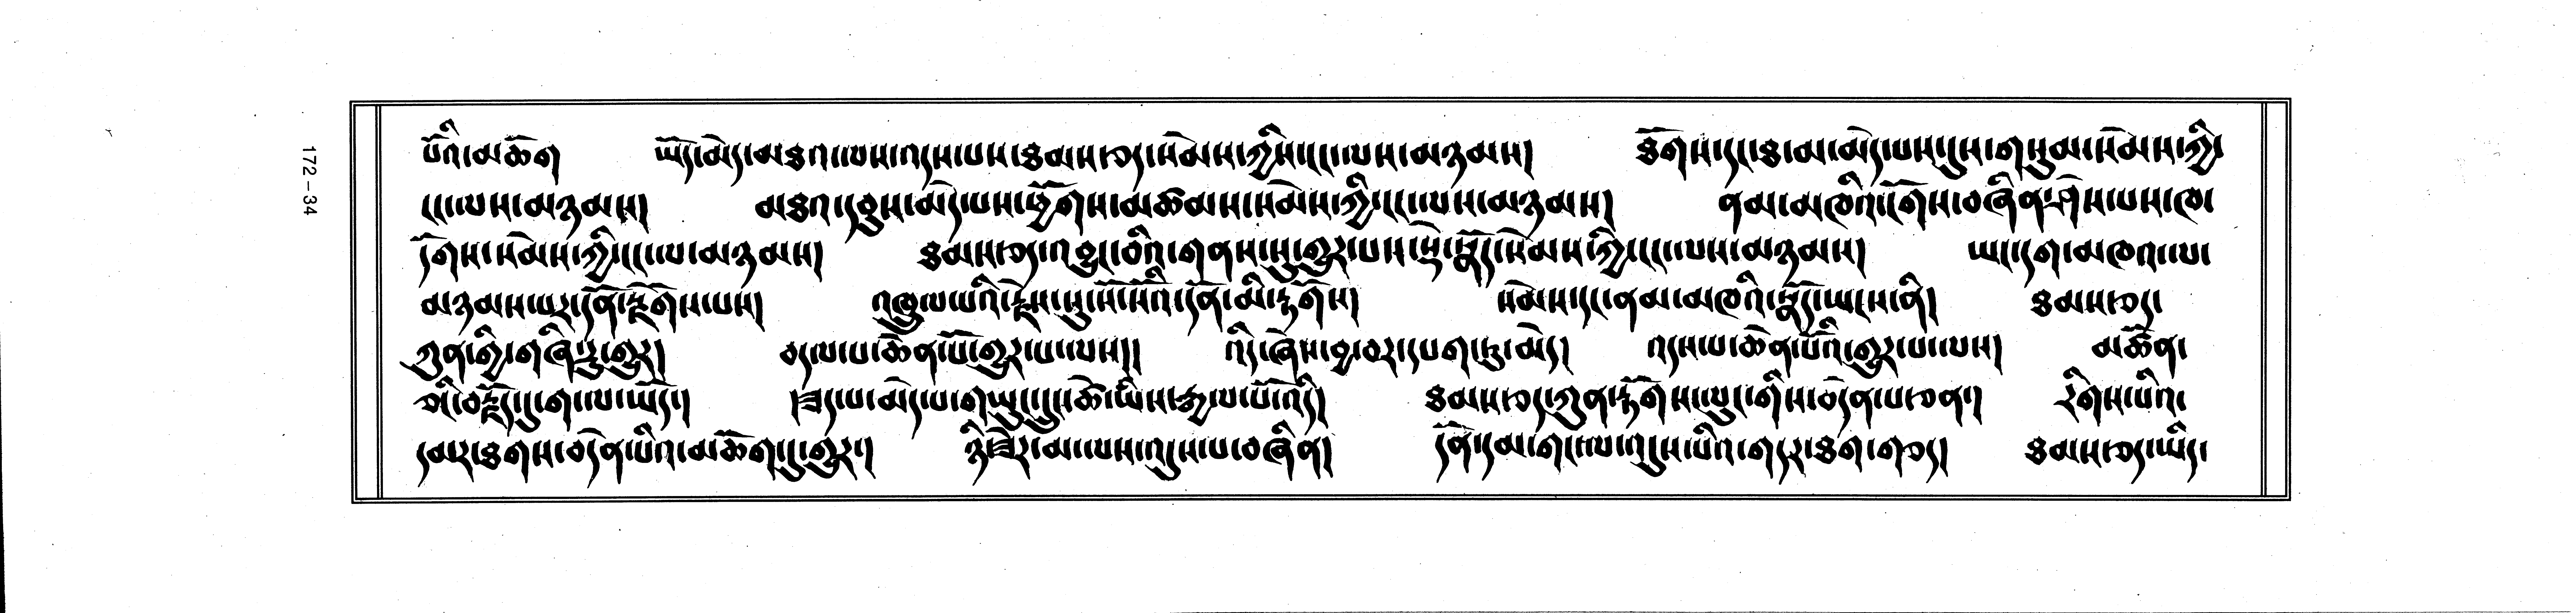པོའི་མཆོག ཡོད་མེད་མཐའ་ལས་འདས་པས་ཐམས་ཅད་སེམས་ཀྱིས་ངང་ལས་མཉམས། ཐོག་དང་ཐ་མ་མེད་པས་དུས་གསུམ་སེམས་ཀྱི་
ངང་ལས་མཉམས། མཐའ་དབུས་མེད་པས་ཕྱོགས་མཚམས་སེམས་ཀྱི་ངང་ལས་མཉམས། ནམ་མཁའི་ངོགས་བཞིན་ཤེས་པས་ཁ་
དོག་སེམས་ཀྱི་ངང་ལ་མཉམས། ཐམས་ཅད་འབྱུང་བའི་གནས་སུ་གྱུར་པས་སྡེ་སྣོད་སེམས་ཀྱི་ངང་ལས་མཉམས། ཡང་དག་མཁའ་ལ་
མཉམས་པར་དོན་རྫོགས་པས། འཁྲུལ་པའི་རྗེས་སུ་སོའི་དོན་མི་རྟོགས། སེམས་དང་ནམ་མཁའི་སྣོད་ཡངས་ནི། ཐམས་ཅད་
ཀུན་གྱི་གཞི་རུ་གྱུར། བདལ་པ་ཆེན་པོ་གྱུར་པ་ལས། འདི་ཞེས་བྱ་བར་དཔག་ཏུ་མེད། འདས་པ་ཆེན་པོའི་གྱུར་པ་ལས། མཚོན་
ཅིང་བརྗོད་དུ་ག་ལ་ཡོད། ཟད་པ་མེད་པ་གཡུང་དྲུང་ཚེ་ཡིས་རྒྱལ་པོ་འདི། ཐམས་ཅད་ཀུན་རྟོགས་ལུང་གིས་བདེན་པ་ཅན། རིགས་པའི་
དམར་ཐག་བདེན་པའི་མཆོག་དུ་གྱུར། ཉི་ཟེར་མ་ལས་འདུས་པ་བཞིན། དོན་དམ་གང་ལ་འདུས་པའི་གདར་ཐག་གཅད། ཐམས་ཅད་ཡིད་